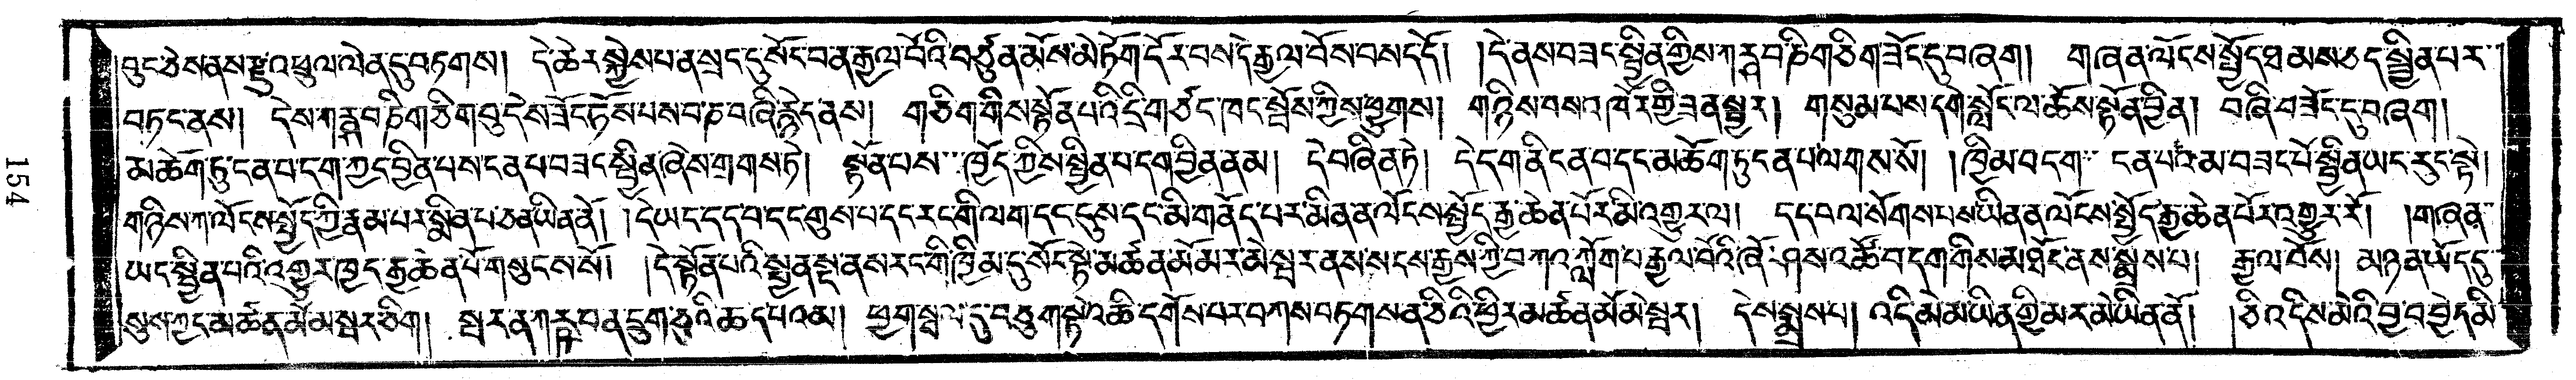བུང་ཅེས་ནས་རྫུ་འཕྲུལ་ལེན་དུ་བཏགས། དེ་ཆེར་སྐྱེས་པ་ན་སྲང་དུ་སོང་བ་ན་རྒྱལ་བོའི་བཙུན་མོས་མེ་ཏོག་དོར་བས་དེ་རྒྱལ་བོས་བསད་དོ། །དེ་ནས་བཟང་སྦྱིན་གྱིས་ཀརྴ་བ་ཎི་གཅིག་ཟོང་དུ་བཞག། གཞན་ལོངས་སྤྱོད་ཐམས་ཅད་སྦྱིན་པར་
བཏང་ནས། དེས་ཀརྴ་བ་ཎི་གཅིག་བུ་དེས་ཟོང་ཏོས་པས་བ་ཎ་བཞི་རྙེད་ནས། གཅིག་གིས་སྟོན་པའི་དྲི་གཙང་ཁང་སྦོས་ཀྱིས་ཕྱུགས། གཉིས་བས་འཁོར་གྱི་ཟན་སྦྱར། གསུམ་པས་དགེ་སློང་ལ་ཆོས་སྟོན་བྱིན། བཞི་བཟོང་དུ་བཞག།
མཆོག་ཏུ་ངན་བ་དག་ཀྱང་བྱིན་པས་ངན་པ་བཟང་སྦྱིན་ཞེས་གྲགས་ཏེ། སྟོན་པས་ཁྱོད་ཀྱིས་སྦྱིན་པ་དག་བྱིན་ནམ། དེ་བཞིན་ཏེ། དེ་དག་ནི་ངན་བ་དང་མཆོག་ཏུ་ངན་པ་ལགས་སོ། །ཁྱིམ་བདག་ངན་པའམ་བཟང་པོ་སྦྱིན་ཡང་རུང་སྟེ།
གཉིས་ཀ་ལོངས་སྤྱོད་ཀྱི་རྣམ་པར་སྨིན་པ་ཅན་ཡིན་ནོ། །དེ་ཡང་དད་བ་དང་གུས་པ་དང་རང་གི་ལག་དང་དུས་དང་མི་གནོད་པར་མིན་ན་ལོངས་སྤྱོད་རྒྱ་ཆེན་པོར་མི་འགྱུར་ལ། དད་བལ་སོགས་པས་ཡིན་ན་ལོངས་སྤྱོད་རྒྱ་ཆེན་པོར་འགྱུར་རོ། །གཞན་
ཡང་སྦྱིན་པའི་འགྱུར་ཁྱད་རྒྱ་ཆེན་པོ་གསུངས་སོ། །དེ་སྟོན་པའི་སྤྱན་སྔ་ནས་རང་གི་ཁྱིམ་དུ་སོང་སྟེ་མཚན་མོ་མར་མེ་སྦར་ནས་སངས་རྒྱས་ཀྱི་བཀའ་ཀློག་པ་རྒྱལ་བོའི་ཞོ་ཤས་འཚོ་བདག་གིས་མཐོང་ནས་སྨྲས་པ། རྒྱལ་བོས། མཉན་ཡོད་དུ་
སུས་ཀྱང་མཚན་མོ་མ་སྦར་ཅིག། སྤར་ན་ཀརྵ་བ་ན་དྲུག་ཅུའི་ཆད་པའམ། ཕྱག་སྦལ་དུ་བཅུག་སྟེ་འཆི་དགོས་པར་བཀས་བཏགས་ན་ཅིའི་ཕྱིར་མཚན་མོ་མེ་སྦར། དེས་སྨྲས་པ། འདི་མེ་མ་ཡིན་གྱི་མར་མེ་ཡིན་ནོ། །ཅི་འདིས་མེའི་བྱ་བ་བྱེད་མི་